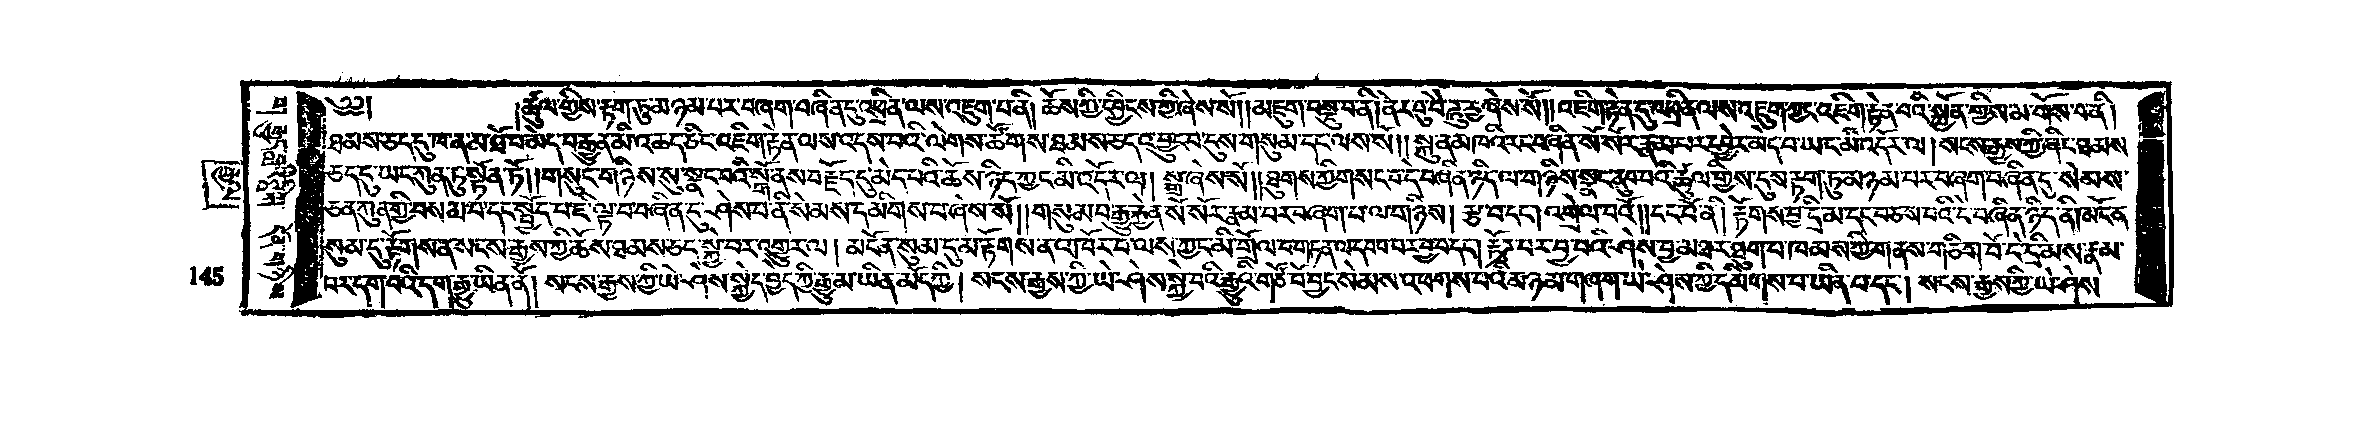༄༅། །ཚུལ་གྱིས་རྟག་ཏུ་མཉམ་པར་བཞག་བཞིན་དུ་འཕྲིན་ལས་འཇུག་པ་ནི། ཆོས་ཀྱི་དབྱིངས་ཀྱི་ཞེས་སོ། །མཇུག་བསྡུ་བ་ནི། ནོར་བུ་བཻ་ཌཱུ་རྱ་ཞེས་སོ། །འཇིག་རྟེན་དུ་འཕྲིན་ལས་འཇུག་ཀྱང་འཇིག་རྟེན་པའི་སྐྱོན་གྱིས་མ་གོས་པ་ནི།
ཐམས་ཅད་དུ་ཁ་ན་མ་ཐོ་བ་མེད་པ་རྒྱུན་མི་འཆད་ཅིང་འཇིག་རྟེན་ལས་འདས་པའི་ལེགས་ཚོགས་ཐམས་ཅད་འབྱུང་བ་དུས་གསུམ་དང་ལས་སོ། །སྐུ་ནམ་མཁའི་རང་བཞིན་སོ་སོར་རྣམ་པར་དབྱེར་མེད་པ་ཡང་མི་འདོར་ལ། སངས་རྒྱས་ཀྱི་ཞིང་ཐམས་
ཅད་དུ་ཡང་ཀུན་ཏུ་སྟོན་ཏོ། །གསུང་གཉིས་སུ་སྣང་བའི་སྒོ་ནས་བརྗོད་དུ་མེད་པའི་ཆོས་ཉིད་ཀྱང་མི་འདོར་ལ། སྒྲ་ཞེས་སོ། །ཐུགས་ཀྱི་གསང་བ་དེ་བཞིན་ཉིད་ལ་གཉིས་སྣང་ནུབ་པའི་ཚུལ་གྱིས་དུས་རྟག་ཏུ་མཉམ་པར་བཞག་བཞིན་དུ་སེམས་
ཅན་ཀུན་གྱི་བསམ་པ་དང་སྤྱོད་པ་ཇི་ལྟ་བ་བཞིན་དུ་ཤེས་པ་ནི་སེམས་དམིགས་པ་ཞེས་སོ། །གསུམ་པ་རྒྱུ་རྐྱེན་སོ་སོར་རྣམ་པར་བཞག་པ་ལ་གཉིས། རྩ་བ་དང་། འགྲེལ་པའོ། །དང་པོ་ནི། རྟོགས་བྱ་དྲི་མ་དང་བཅས་པའི་དེ་བཞིན་ཉིད་ནི། མངོན་
སུམ་དུ་རྟོགས་ན་སངས་རྒྱས་ཀྱི་ཆོས་ཐམས་ཅད་སྐྱེ་བར་འགྱུར་ལ། མངོན་སུམ་དུ་མ་རྟོགས་ན་འཁོར་བ་ལས་ཀྱང་མི་གྲོལ་བ་གཏན་ལ་དབབ་པར་བྱ་བ་དང་། རྟོགས་པར་བྱ་བའི་ཤེས་བྱ་མཐར་ཐུག་པ་ཁམས་ཀྱི་གནས་གཅིག་པོ་དེ་དྲི་མས་རྣམ་
པར་དག་པའི་དག་རྒྱུ་ཡིན་ནོ། །སངས་རྒྱས་ཀྱི་ཡེ་ཤེས་སྐྱེད་བྱེད་ཀྱི་རྒྱུ་མ་ཡིན་མོད་ཀྱི། སངས་རྒྱས་ཀྱི་ཡེ་ཤེས་སྐྱེ་བའི་རྒྱུའི་གཙོ་བོ་བྱང་སེམས་འཕགས་པའི་མཉམ་གཞག་ཡེ་ཤེས་ཀྱི་དམིགས་པ་ཡིན་པ་དང་། སངས་རྒྱས་ཀྱི་ཡེ་ཤེས་